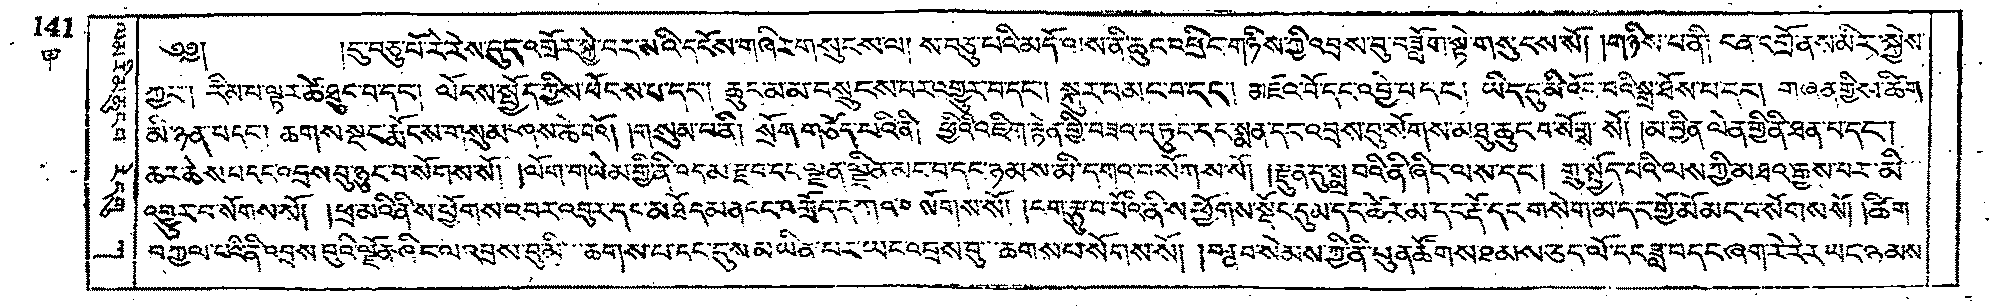༄༅། །དུ་བཅུ་པོ་རེ་རེས་དུད་འགྲོར་སྐྱེ་བར་སའི་དངོས་གཞིར་གསུངས་ལ། ས་བཅུ་པའི་མདོ་ལས་ནི་ཆུང་འབྲིང་གཉིས་ཀྱི་འབྲས་བུ་བཟློག་སྟེ་གསུངས་སོ། །གཉིས་པ་ནི། ངན་འགྲོ་ནས་མིར་སྐྱེས་
ཀྱང་། རིམ་པ་ལྟར་ཚེ་ཐུང་བ་དང་། ལོངས་སྤྱོད་ཀྱིས་ཕོངས་པ་དང་། ཆུང་མ་མ་བསྲུངས་པར་འགྱུར་བ་དང་། སྐུར་པ་མང་བ་དང་། མཛའ་བོ་དང་འབྱེ་པ་དང་། ཡིད་དུ་མི་འོང་བའི་སྒྲ་ཐོས་པ་དང་། གཞན་གྱིས་ཚིག་
མི་ཉན་པ་དང་། ཆགས་སྡང་རྨོངས་གསུམ་ཤས་ཆེ་བའོ། །གསུམ་པ་ནི། སྲོག་གཅོད་པའི་ནི། ཕྱིའི་འཇིག་རྟེན་གྱི་བཟའ་བཏུང་དང་སྨན་དང་འབྲས་བུ་སོགས་མཐུ་ཆུང་བ་སོགསྶོ། །མ་བྱིན་ལེན་གྱི་ནི་ཐན་པ་དང་།
ཆར་ཆེས་པ་དང་འབྲས་བུ་ཉུང་བ་སོགས་སོ། །ལོག་གཡེམ་གྱི་ནི་འདམ་རྫབ་དང་ལྗན་ལྗིན་མང་བ་དང་ཉམས་མི་དགའ་བ་སོགས་སོ། །རྫུན་དུ་སྨྲ་བའི་ནི་ཞིང་ལས་དང་། གྲུ་སྤྱོད་པའི་ལས་ཀྱི་མཐའ་རྒྱས་པར་མི་
འགྱུར་བ་སོགས་སོ། །ཕྲ་མའི་ནི་ས་ཕྱོགས་འབར་འབུར་དང་མཐོ་དམན་དང་བགྲོད་དཀའ་བ་སོགས་སོ། །ངག་རྩུབ་པོའི་ནི་ས་ཕྱོགས་སྡོང་དུམ་དང་ཚེར་མ་དང་རྡོ་དང་གསེག་མ་དང་གྱོ་མོ་མང་བ་སོགས་སོ། །ཚིག་
བཀྱལ་པའི་ནི་འབྲས་བུའི་ལྗོན་ཤིང་ལ་འབྲས་བུ་མིཆགས་པ་དང་དུས་མ་ཡིན་པར་ཡང་འབྲས་བུཆགས་པ་སོགས་སོ། །བརྣབ་སེམས་ཀྱི་ནི་ཕུན་ཚོགས་ཐམས་ཅད་ལོ་དང་ཟླ་པ་དང་ཞག་རེ་རེར་ཡང་ཉམས་